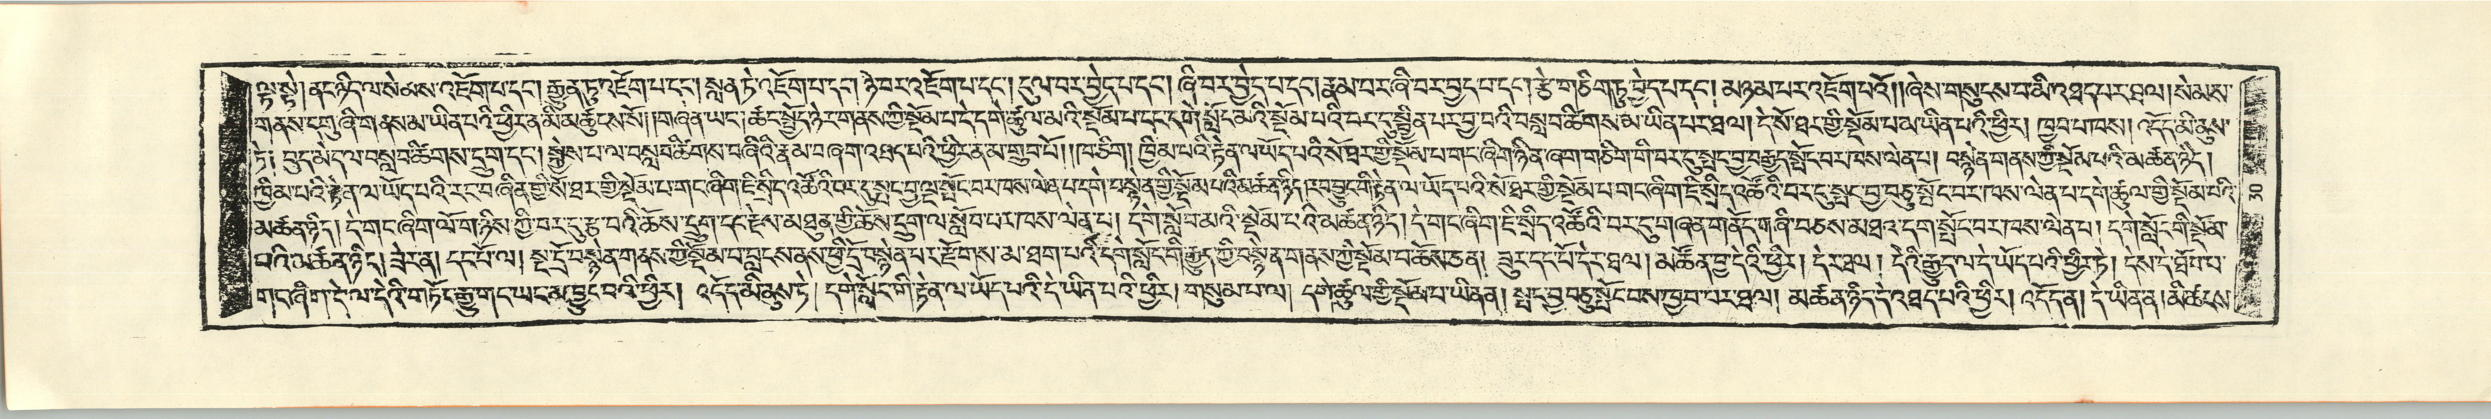ལྟ་སྟེ། ནང་ཉིད་ལ་སེམས་འཇོག་པ་དང་། རྒྱུན་ཏུ་འཇོག་པ་དང་། སླན་ཏེ་འཇོག་པ་དང་། ཉེ་བར་འཇོག་པ་དང་། དུལ་བར་བྱེད་པ་དང་། ཞི་བར་བྱེད་པ་དང་། རྣམ་བར་ཞི་བར་བྱད་པ་དང་། རྩེ་གཅིག་ཏུ་བྱེད་པ་དང་། མཉམ་པར་འཇོག་པའོ། །ཞེས་གསུངས་པ་མི་འཐད་པར་ཐལ། སེམས་
གནས་དགུ་ཞི་གནས་མ་ཡིན་པའི་ཕྱིར་ན་མི་མཚུངས་སོ། །གཞན་ཡང་། ཚང་སྤྱོད་ཉེར་གནས་ཀྱི་སྡོམ་པ་དེ་དགེ་ཚུལ་མའི་སྡོམ་པ་དང་དགེ་སློང་མའི་སྡོམ་པའི་བར་དུ་སྦྱིན་པར་བྱ་བའི་བསླབ་ཚིགས་མ་ཡིན་པར་ཐལ། དེ་སོ་ཐར་གྱི་སྡོམ་པ་མ་ཡིན་པའི་ཕྱིར། ཁྱབ་པ་ཁས། འདོད་མི་ནུས་
ཏེ༑ བུད་མེད་ལ་བསླབ་ཚིགས་དྲུག་དང་། སྐྱེས་པ་ལ་བསླབ་ཚིགས་བཞིའི་རྣམ་བཞག་འཐད་པའི་ཕྱིར་ན་མ་གྲུབ་པོ། །ཁ་ཅིག །ཁྱིམ་པའི་རྟེན་ལ་ཡོད་པའི་སོ་ཐར་གྱི་སྡོམ་པ་གང་ཞིག་ཉིན་ཞག་གཅིག་གི་བར་དུ་སྤང་བྱ་བརྒྱད་སྤོང་བར་ཁས་ལེན་པ། བསྙེན་གནས་ཀྱི་སྡོམ་པའི་མཚན་ཉིད།
ཁྱིམ་པའི་རྟེན་ལ་ཡོད་པའི་རང་བཞིན་གྱི་སོ་ཐར་གྱི་སྡོམ་པ་གང་ཞིག་ཇི་སྲིད་འཚོའི་བར་དུ་སྤང་བྱ་ལྔ་སྤོང་བར་ཁས་ལེན་པ་དགེ་བསྙེན་གྱི་སྡོམ་པའི་མཚན་ཉིད། རབ་བྱུང་གི་རྟེན་ལ་ཡོད་པའི་སོ་ཐར་གྱི་སྡོམ་པ་གང་ཞིག་ཇི་སྲིད་འཚོའི་བར་དུ་སྤང་བྱ་བཅུ་སྤོང་བར་ཁས་ལེན་པ་དགེ་ཚུལ་གྱི་སྡོམ་པའི་
མཚན་ཉིད། དེ་གང་ཞིག་ལོ་གཉིས་ཀྱི་བར་དུ་རྩ་བའི་ཆོས་དྲུག་དང་རྗེས་མཐུན་གྱི་ཆོས་དྲུག་ལ་སློབ་པར་ཁས་ལེན་པ། དགེ་སློབ་མའི་སྡོམ་པའི་མཚན་ཉིད། དེ་གང་ཞིག་ཇི་སྲིད་འཚོའི་བར་དུ་གཞན་གནོད་གཞི་བཅས་མཐའ་དག་སྤོང་བར་ཁས་ལེན་པ། དགེ་སློང་གི་སྡོམ་
པའི་མཚན་ཉིད། ཟེར་ན། དང་པོ་ལ། སྔ་དྲོ་བསྙེན་གནས་ཀྱི་སྡོམ་པ་བླངས་ནས་ཕྱི་དྲོ་བསྙེན་པར་རྫོགས་མ་ཐག་པའི་དགེ་སློང་གི་རྒྱུད་ཀྱི་བསྙེན་གནས་ཀྱི་སྡོམ་པ་ཆོས་ཅན། ཟུར་དང་པོ་དེར་ཐལ། མཚོན་བྱ་དེའི་ཕྱིར། དེར་ཐལ། དེའི་རྒྱུད་ལ་དེ་ཡོད་པའི་ཕྱིར་ཏེ། དེས་དེ་ཐོབ་པ་
གང་ཞིག་དེ་ལ་དེའི་གཏོང་རྒྱུ་གང་ཡང་མ་བྱུང་བའི་ཕྱིར། འདོད་མི་ནུས་ཏེ། དགེ་སློང་གི་རྟེན་ལ་ཡོད་པའི་དེ་ཡིན་པའི་ཕྱིར། གསུམ་པ་ལ། དགེ་ཚུལ་གྱི་སྡོམ་པ་ཡིན་ན། སྤང་བྱ་བཅུ་སྤོང་བས་ཁྱབ་པར་ཐལ། མཚན་ཉིད་དེ་འཐད་པའི་ཕྱིར། འདོད་ན། དེ་ཡིན་ན། མི་ཚངས་